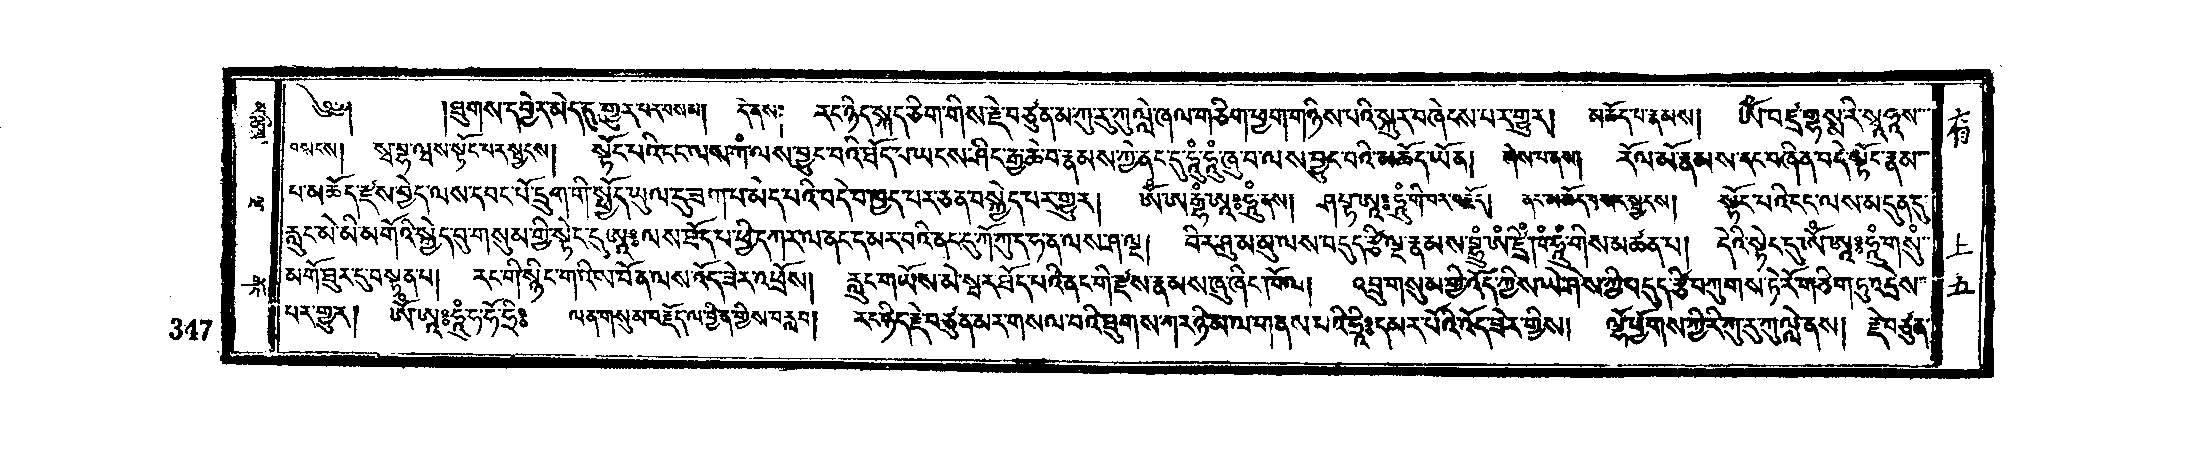༄༅། །ཐུགས་དབྱེར་མེད་དུ་གྱུར་པར་བསམ། དེ་ནས། རང་ཉིད་སྐད་ཅིག་གིས་རྗེ་བཙུན་མ་ཀུ་རུ་ཀུ་ལླེ་ཞལ་གཅིག་ཕྱག་གཉིས་པའི་སྐུར་བཞེངས་པར་གྱུར། མཆོད་པ་རྣམས། ཨོཾ་བཛར་གྷ་སྨྲ་རི་སྭཧཱས་
བསངས། སྭ་བྷ་ཝས་སྟོང་པར་སྦྱངས། སྟོང་པའི་ངང་ལས་ཀཾ་ལས་བྱུང་བའི་ཐོད་པ་ཡངས་ཤིང་རྒྱ་ཆེ་བ་རྣམས་ཀྱི་ནང་དུ་ཧཱུཾ་ཧཱུཾ་ཞུ་བ་ལས་བྱུང་བའི་མཆོད་ཡོན། ཞེས་པ་ནས། རོལ་མོ་རྣམས་རང་བཞིན་བདེ་སྟོང་རྣམ་
པ་མཆོད་རྫས་བྱེད་ལས་དབང་པོ་དྲུག་གི་སྤྱོད་ཡུལ་དུ་ཟག་པ་མེད་པའི་བདེ་བ་ཁྱད་པར་ཅན་བསྐྱེད་པར་གྱུར། ཨོཾ་ཨརྒྷཾ་ཨཱཿ ཧཱུཾ་ནས། ཤྤོཏ་ཨཱཿ ཧཱུཾ་གི་བར་བརྗོད། ནང་མཆོད་བསང་སྦྱངས། སྟོང་པའི་ངང་ལས་མདུན་དུ་
རླུང་མེ་མི་མགོའི་སྐྱེ་དབུ་གསུམ་གྱི་སྟེང་དུ་ཨཱཿ ལས་ཐོད་པ་ཕྱི་དཀར་ལ་ནང་དམར་བའི་ནང་དུ་ཀོ་ཀུ་ད་ཧ་ན་ལས་ཤ་ལྔ། བིར་ཤུ་མ་མུ་ལས་བདུད་རྩི་ལྔ་རྣམས་བྷྲུཾ་ཨོཾ་ཛྲིཾ་ཁཾ་ཧཱུཾ་གིས་མཚན་པ། དེའི་སྟེང་དུ་ཨོཾ་ཨཱཿ ཧཱུཾ་གསུམ་
མགོ་ཐུར་དུ་བསྟན་པ། རང་གི་སྙིང་གའི་ས་བོན་ལས་འོད་ཟེར་འཕྲོས། རླུང་གཡོས་མེ་སྦར་ཐོད་པའི་ནང་གི་རྫས་རྣམས་ཞུ་ཞིང་ཁོལ། འབྲུ་གསུམ་གྱི་འོད་ཀྱིས་ཡེ་ཤེས་ཀྱི་བདུད་རྩི་བཀུགས་ཏེ་རོ་གཅིག་ཏུ་འདྲེས་
པར་གྱུར། ཨོཾ་ཨཱཿ ཧཱུཾ་ཧ་ཧོ་ཧྲིཿ ལན་གསུམ་བརྗོད་ལ་བྱིན་གྱིས་བརླབ། རང་ཉིད་རྗེ་བཙུན་མར་གསལ་བའི་ཐུགས་ཀར་ཉི་མ་ལ་གནས་པའི་ཧྲཱིཿ དམར་པོའི་འོད་ཟེར་གྱིས། ལྷོ་ཕྱོགས་ཀྱི་རི་ཀུ་རུ་ཀུ་ལླེ་ནས། རྗེ་བཙུན་